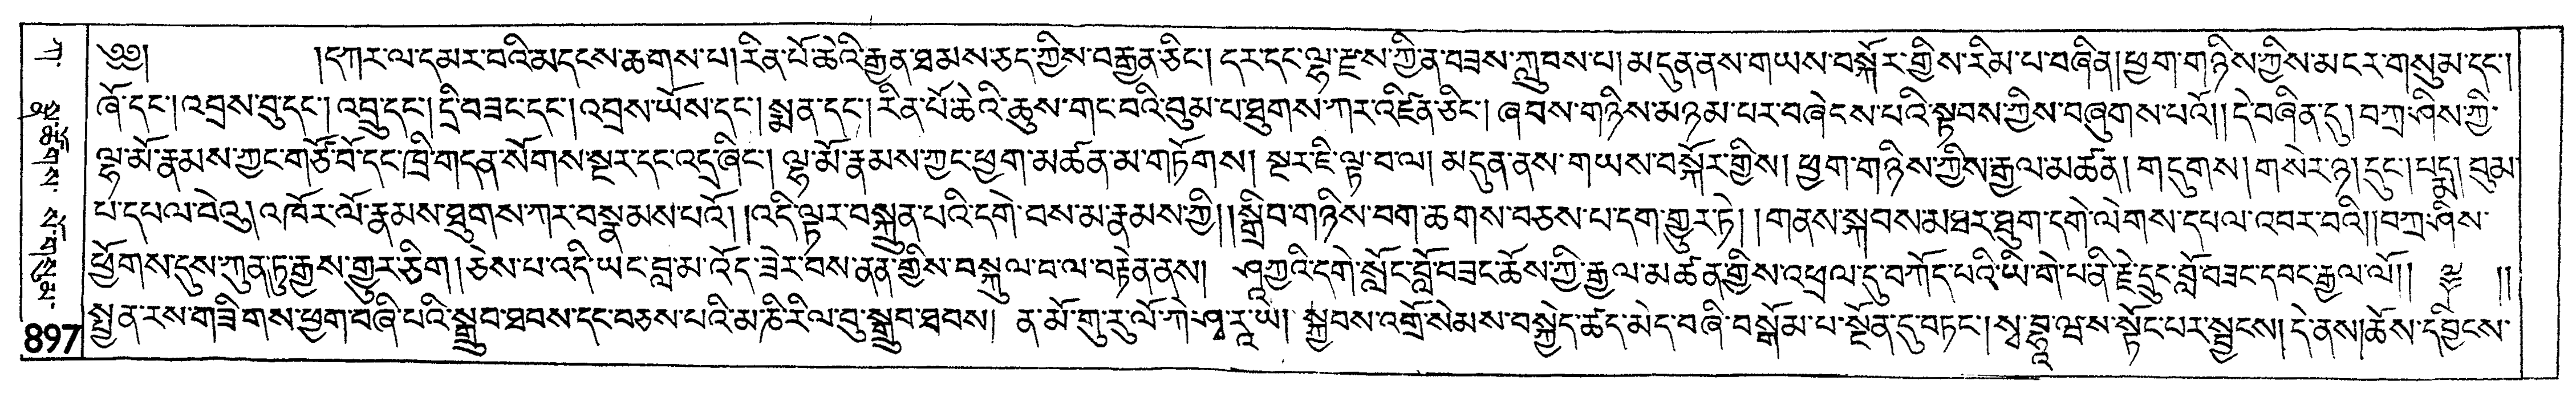༄༅། །དཀར་ལ་དམར་བའི་མདངས་ཆགས་པ། རིན་པོ་ཆེའི་རྒྱན་ཐམས་ཅད་ཀྱིས་བརྒྱན་ཅིང་། དར་དང་ལྷ་རྫས་ཀྱི་ན་བཟས་ཀླུབས་པ། མདུན་ནས་གཡས་བསྐོར་གྱིས་རིམ་པ་བཞིན། ཕྱག་གཉིས་ཀྱིས་མངར་གསུམ་དང་།
ཞོ་དང་། འབྲས་བུ་དང་། འབྲུ་དང་། དྲི་བཟང་དང་། འབྲས་ཡོས་དང་། སྨན་དང་། རིན་པོ་ཆེའི་ཆུས་གང་བའི་བུམ་པ་ཐུགས་ཀར་འཛིན་ཅིང་། ཞབས་གཉིས་མཉམ་པར་བཞེངས་པའི་སྟབས་ཀྱིས་བཞུགས་པའོ། །དེ་བཞིན་དུ། བཀྲ་ཤིས་ཀྱི་
ལྷ་མོ་རྣམས་ཀྱང་གཙོ་བོ་དང་ཁྲི་གདན་སོགས་སྔར་དང་འདྲ་ཞིང་། ལྷ་མོ་རྣམས་ཀྱང་ཕྱག་མཚན་མ་གཏོགས། སྔར་ཇི་ལྟ་བ་ལ། མདུན་ནས་གཡས་བསྐོར་གྱིས། ཕྱག་གཉིས་ཀྱིས་རྒྱལ་མཚན། གདུགས། གསེར་ཉ། དུང་། པདམ། བུམ་
པ་དཔལ་བེའུ། འཁོར་ལོ་རྣམས་ཐུགས་ཀར་བསྣམས་པའོ། །འདི་ལྟར་བསྐྲུན་པའི་དགེ་བས་མ་རྣམས་ཀྱི། །སྒྲིབ་གཉིས་བག་ཆགས་བཅས་པ་དག་གྱུར་ཏེ། །གནས་སྐབས་མཐར་ཐུག་དགེ་ལེགས་དཔལ་འབར་བའི། །བཀྲ་ཤིས་
ཕྱོགས་དུས་ཀུན་ཏུ་རྒྱས་གྱུར་ཅིག །ཅེས་པ་འདི་ཡང་བླ་མ་འོད་ཟེར་བས་ནན་གྱིས་བསྐུལ་བ་ལ་བརྟེན་ནས། ཤཱཀྱའི་དགེ་སློང་བློ་བཟང་ཆོས་ཀྱི་རྒྱལ་མཚན་གྱིས་འཕྲལ་དུ་བཀོད་པའི་ཡི་གེ་པ་ནི་རྗེ་དྲུང་བློ་བཟང་དབང་རྒྱལ་ལོ།། ༈ །།
སྤྱན་རས་གཟིགས་ཕྱག་བཞི་པའི་སྒྲུབ་ཐབས་དང་བཅས་པའི་མ་ཎི་རིལ་བུ་སྒྲུབ་ཐབས། ན་མོ་གུ་རུ་ལོ་ཀེ་ཤྭ་རཱ་ཡ། སྐྱབས་འགྲོ་སེམས་བསྐྱེད་ཚད་མེད་བཞི་བསྒོམ་པ་སྔོན་དུ་བཏང་། སྭ་བྷཱ་ཝས་སྟོང་པར་སྦྱངས། དེ་ནས། ཆོས་དབྱིངས་